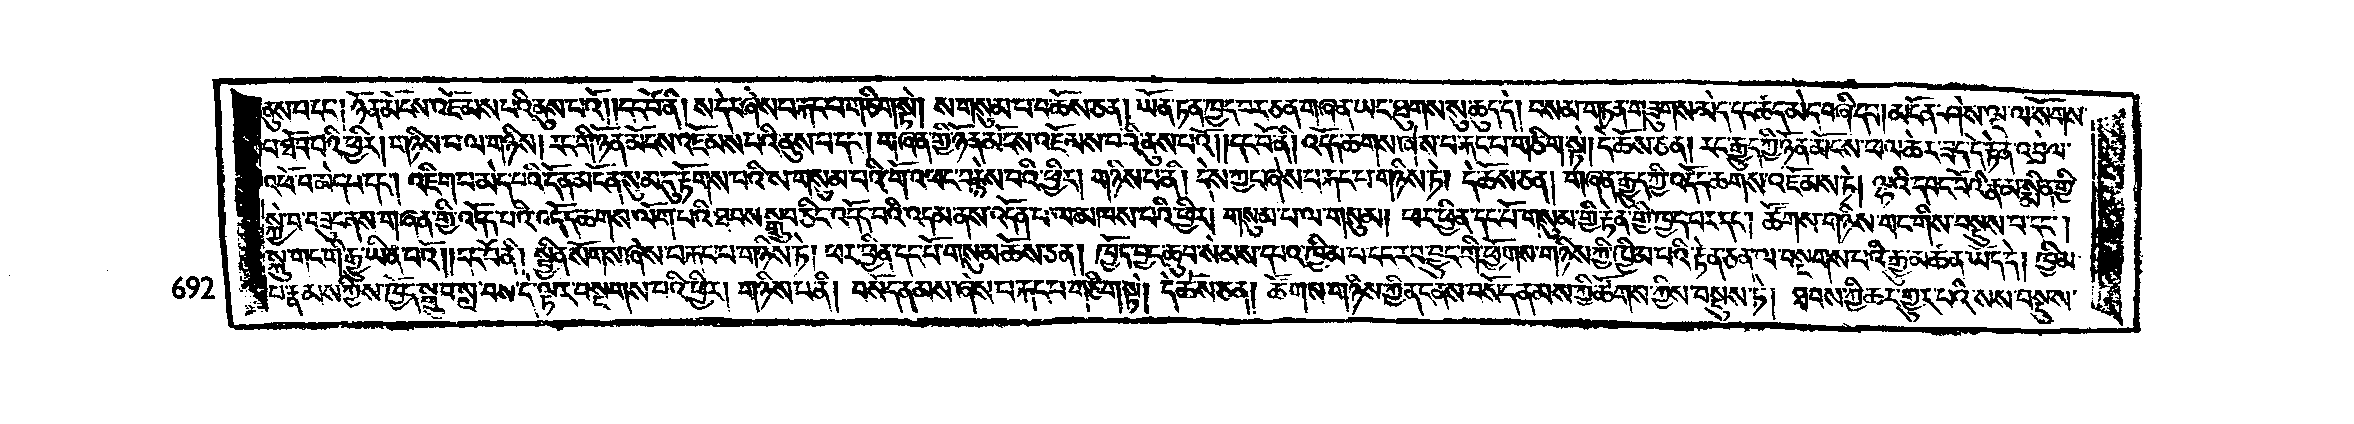ནུས་པ་དང་། ཉོན་མོངས་འཇོམས་པའི་ནུས་པའོ། །དང་པོ་ནི། ས་དེར་ཞེས་པ་རྐང་པ་གཅིག་སྟེ། ས་གསུམ་པ་བ་ཆོས་ཅན། ཡོན་ཏན་ཁྱད་པར་ཅན་གཞན་ཡང་ཐུགས་སུ་ཆུད་དེ། བསམ་གཏན་གཟུགས་མེད་དང་ཚད་མེད་བཞི་དང་། མངོན་ཤེས་ལྔ་ལ་སོགས་
པ་ཐོབ་པའི་ཕྱིར། གཉིས་པ་ལ་གཉིས། རང་གི་ཉོན་མོངས་འཇོམས་པའི་ནུས་པ་དང་། གཞན་གྱི་ཉོན་མོངས་འཇོམས་པའི་ནུས་པའོ། །དང་པོ་ནི། འདོད་ཆགས་ཞེས་པ་རྐང་པ་གཅིག་སྟེ། དེ་ཆོས་ཅན། རང་རྒྱུད་ཀྱི་ཉོན་མོངས་ཕལ་ཆེར་ཟད་དེ་རྟེན་འབྲེལ་
འཕོ་བ་མེད་པ་དང་། འཇིག་པ་མེད་པའི་དོན་མངོན་སུམ་དུ་རྟོགས་པའི་ས་གསུམ་པའི་གོ་འཕང་བརྙེས་པའི་ཕྱིར། གཉིས་པ་ནི། དེས་ཀྱང་ཞེས་པ་རྐང་པ་གཉིས་ཏེ། དེ་ཆོས་ཅན། གཞན་རྒྱུད་ཀྱི་འདོད་ཆགས་འཇོམས་ཏེ། ལྷའི་དབང་པོའི་རྣམ་སྨིན་གྱི་
སྐྱེ་བ་བཟུང་ནས་གཞན་གྱི་འདོད་པའི་འདོད་ཆགས་ལོག་པའི་ཐབས་སྒྲུབ་ཅིང་འདོད་པའི་འདམ་ནས་འདོན་པ་ལ་མཁས་པའི་ཕྱིར། གསུམ་པ་ལ་གསུམ། ཕར་ཕྱིན་དང་པོ་གསུམ་གྱི་རྟེན་གྱི་ཁྱད་པར་དང་། ཚོགས་གཉིས་གང་གིས་བསྡུས་པ་དང་།
སྐུ་གང་གི་རྒྱུ་ཡིན་པའོ། །དང་པོ་ནི། སྦྱིན་སོགས་ཞེས་པ་རྐང་པ་གཉིས་ཏེ། ཕར་ཕྱིན་དང་པོ་གསུམ་ཆོས་ཅན། ཁྱོད་བྱང་ཆུབ་སེམས་དཔའ་ཁྱིམ་པ་དང་རབ་བྱུང་གི་ཕྱོགས་གཉིས་ཀྱི་ཁྱིམ་པའི་རྟེན་ཅན་ལ་བསྔགས་པའི་རྒྱུ་མཚན་ཡོད་དེ། ཁྱིམ་
པ་རྣམས་ཀྱིས་ཁྱོད་སྒྲུབ་སླ་བས་དེ་ལྟར་བསྔགས་པའི་ཕྱིར། གཉིས་པ་ནི། བསོད་ནམས་ཞེས་པ་རྐང་པ་གཅིག་སྟེ། དེ་ཆོས་ཅན། ཚོགས་གཉིས་ཀྱི་ནང་ནས་བསོད་ནམས་ཀྱི་ཚོགས་ཀྱིས་བསྡུས་ཏེ། ཐབས་ཀྱི་ཆར་གྱུར་པའི་སས་བསྡུས་